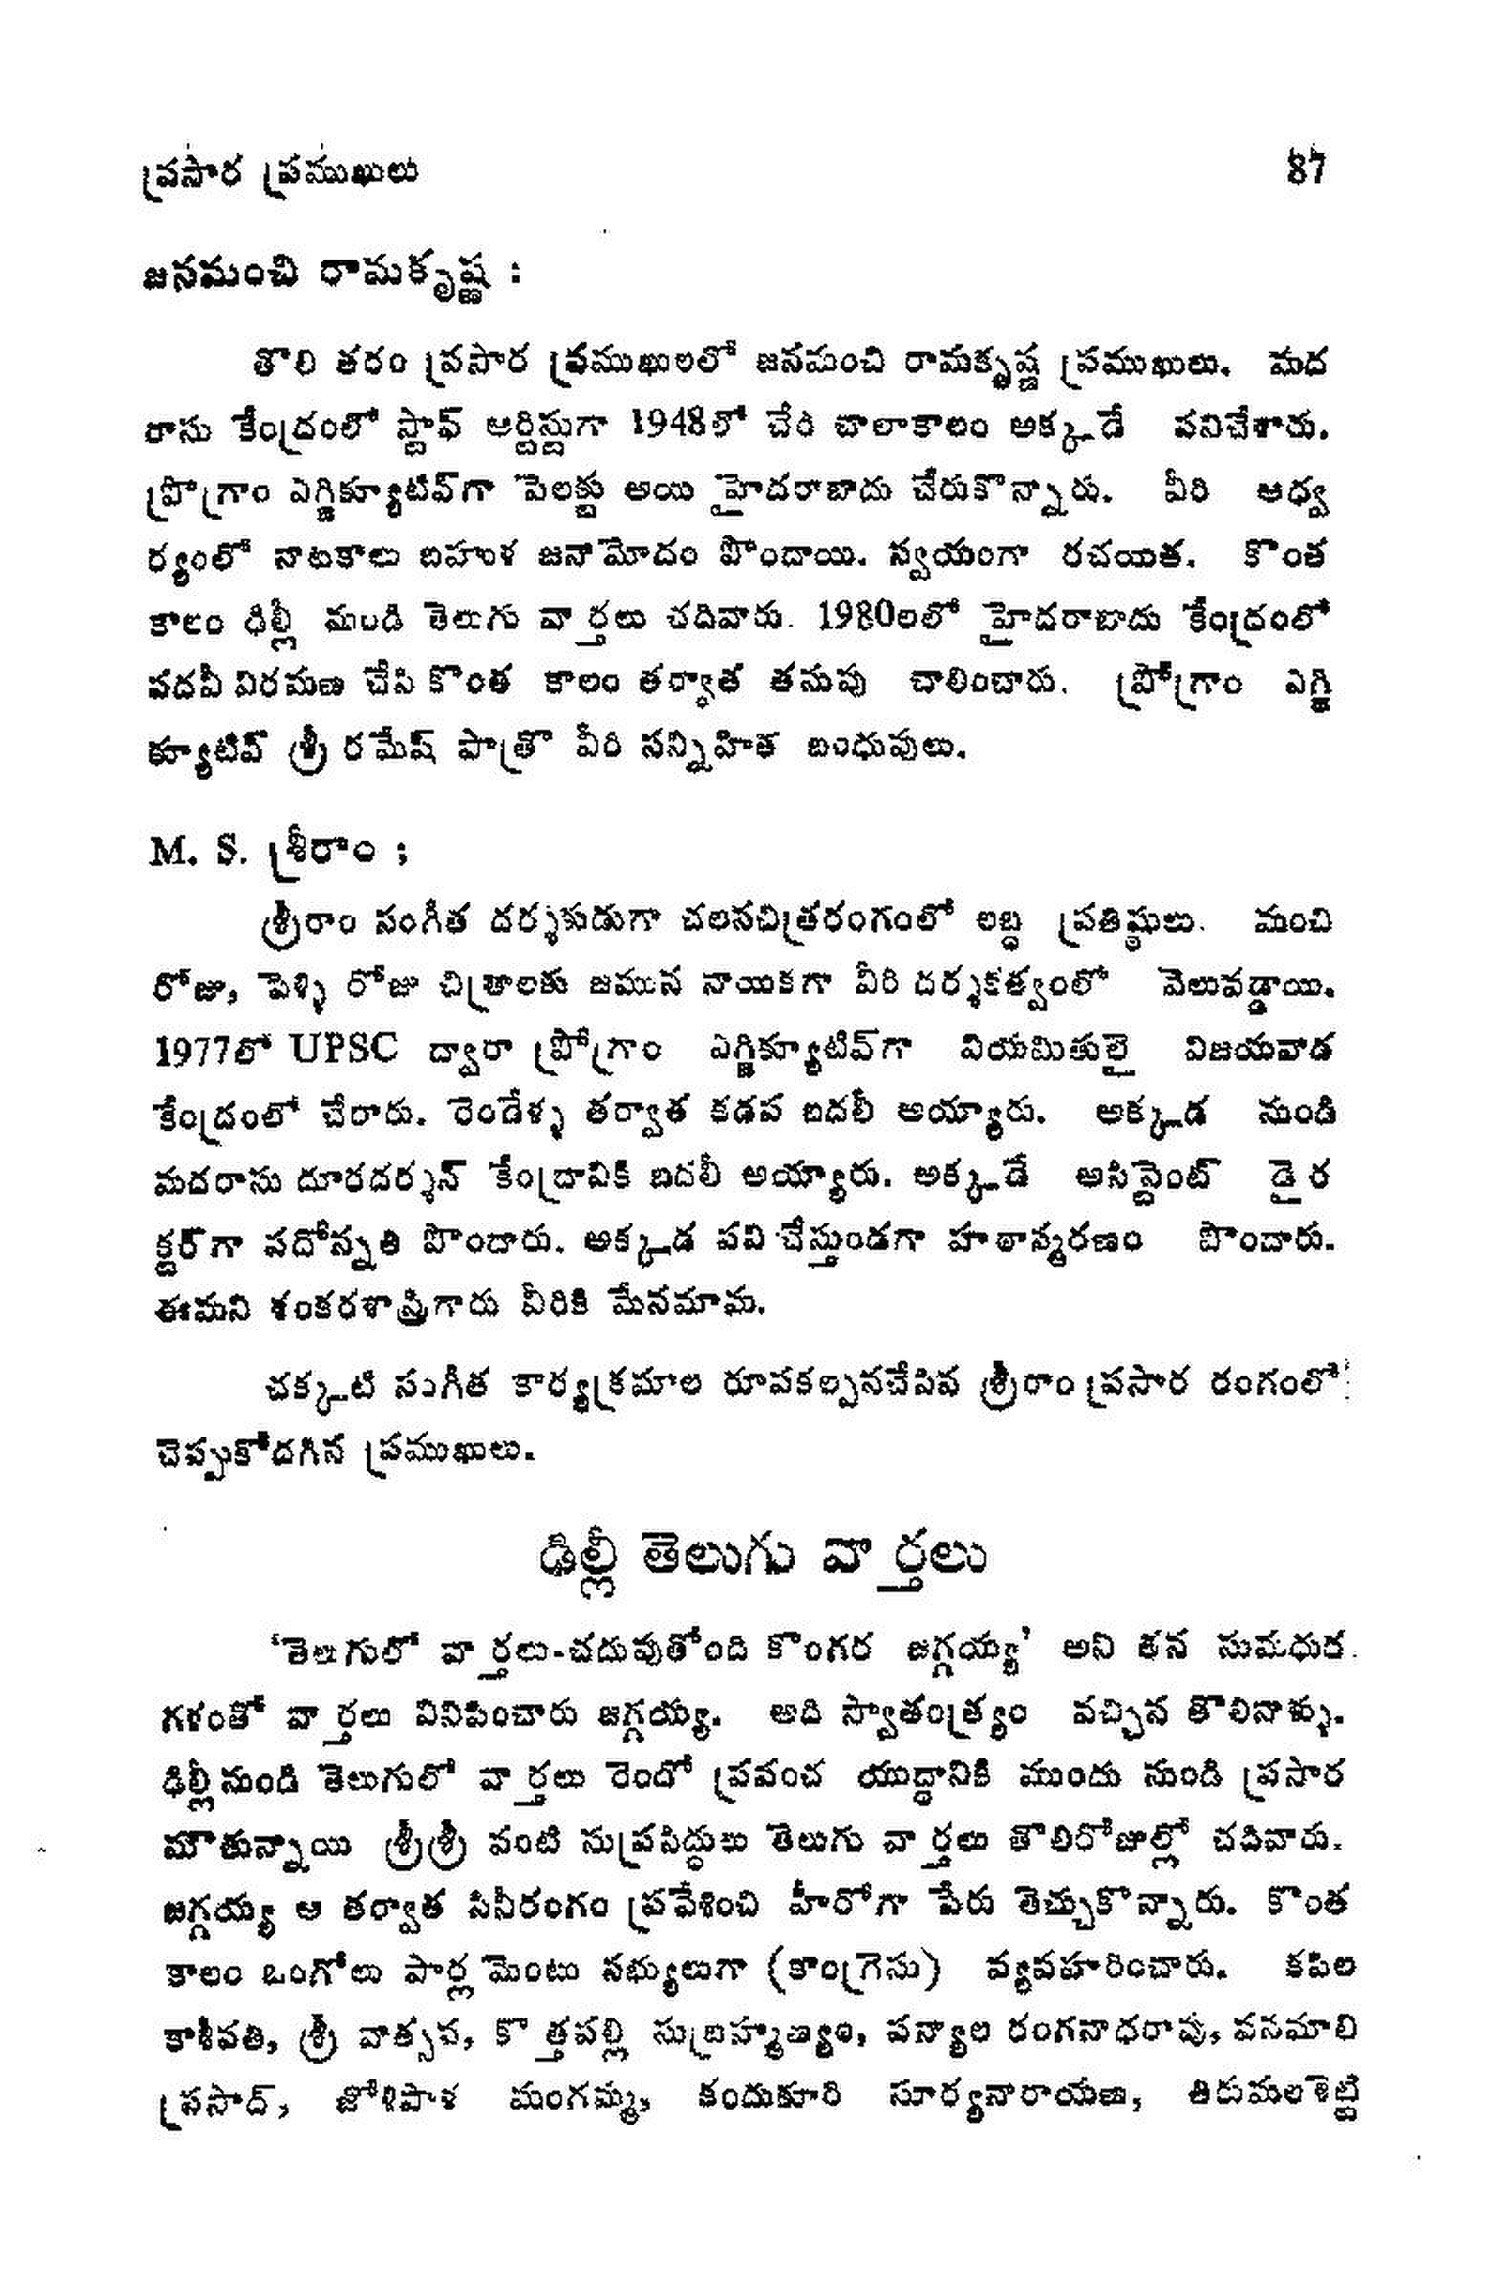తొలి తరం ప్రసార ప్రముఖులలో జనమంచి రామకృష్ణ ప్రముఖులు. మదరాసు కేంద్రంలో స్టాఫ్ ఆర్టిస్టుగా 1948లో చేరి చాలాకాలం అక్కడే పనిచేశారు. ప్రోగ్రాం ఎగ్జిక్యూటివ్ గా సెలక్టు అయి హైదరాబాదు చేరుకొన్నారు. వీరి ఆధ్వర్యంలో నాటకాలు బహుళ జనామోదం పొందాయి. స్వయంగా రచయిత. కొంత కాలం ఢిల్లీ నుండి తెలుగు వార్తలు చదివారు. 1980లలొ హైదరాబాదు కేంద్రంలో పదవీ విరమణ చేసి కొంతకాలం తర్వాత తనువు చాలించారు. ప్రోగ్రాం ఎగ్జిక్యూటివ్ శ్రీ రమేష్ పాత్రో వీరి సన్నిహిత బంధువులు. 

శ్రీరాం సంగీత దర్శకుడుగా చలనచిత్రరంగంలో లబ్ద ప్రతిష్ఠులు. మంచి రోజు, పెళ్ళి రోజు చిత్రాలకు జమున నాయికగా వీరి దర్శకత్వంలో వెలువడ్డాయి. 1977లో UPSC ద్వారా ప్రోగ్రాం ఎగ్జిక్యూటివ్ గా నియమితులై విజయవాడ కేంద్రంలో చేరారు. రెండేళ్ళ తర్వాత కడప బదిలీ అయ్యారు. అక్కడ నుండి మదరాసు దూరదర్శన్ కేంద్రానికి బదిలీ అయ్యారు. అక్కడే అసిస్టెంట్ డైరక్టర్ గా పదోన్నతి పొందారు. అక్కడ పనిచేస్తుండగా హఠాన్మరణం పొందారు. ఈమని శంకరశాస్త్రిగారు వీరికి మేనమామ.

చక్కటి సంగీత కార్యక్రమాల రూపకల్పన చేసిన శ్రీరాం ప్రసార రంగంలో చెప్పుకోదగిన ప్రముఖులు.

"తెలుగులో వార్తలు - చదువుతోంది కొంగర జగ్గయ్య' అని తన సుమధుర గళంతో వార్తలు వినిపించారు జగ్గయ్య. అది స్వాతంత్ర్యం వచ్చిన తొలినాళ్ళు. ఢిల్లీనుండి తెలుగులో వార్తలు రెండో ప్రపంచ యుద్ధానికి ముందు నుండి ప్రసార మౌతున్నాయి. శ్రీశ్రీ వంటి సుప్రసిద్ధులు తెలుగువార్తలు తొలిరోజుల్లో చదివారు. జగ్గయ్య ఆ తర్వాత సినీరంగం ప్రవేశించి హీరోగా పేరు తెచ్చుకొన్నారు. కొంత కాలం ఒంగోలు పార్లమెంటు సభ్యులుగా (కాంగ్రెసు) వ్యవహరించారు. కపిల, కాశీపతి, శ్రీ వాత్సవ, కొత్తపల్లి సుబ్రహ్మణ్యం, పన్యాల రంగనాధరావు, వనమాలి ప్రసాద్, జోళిపాళ మంగమ్మ, కందుకూరి సూర్యనారాయణ, తిరుమలశెట్టి